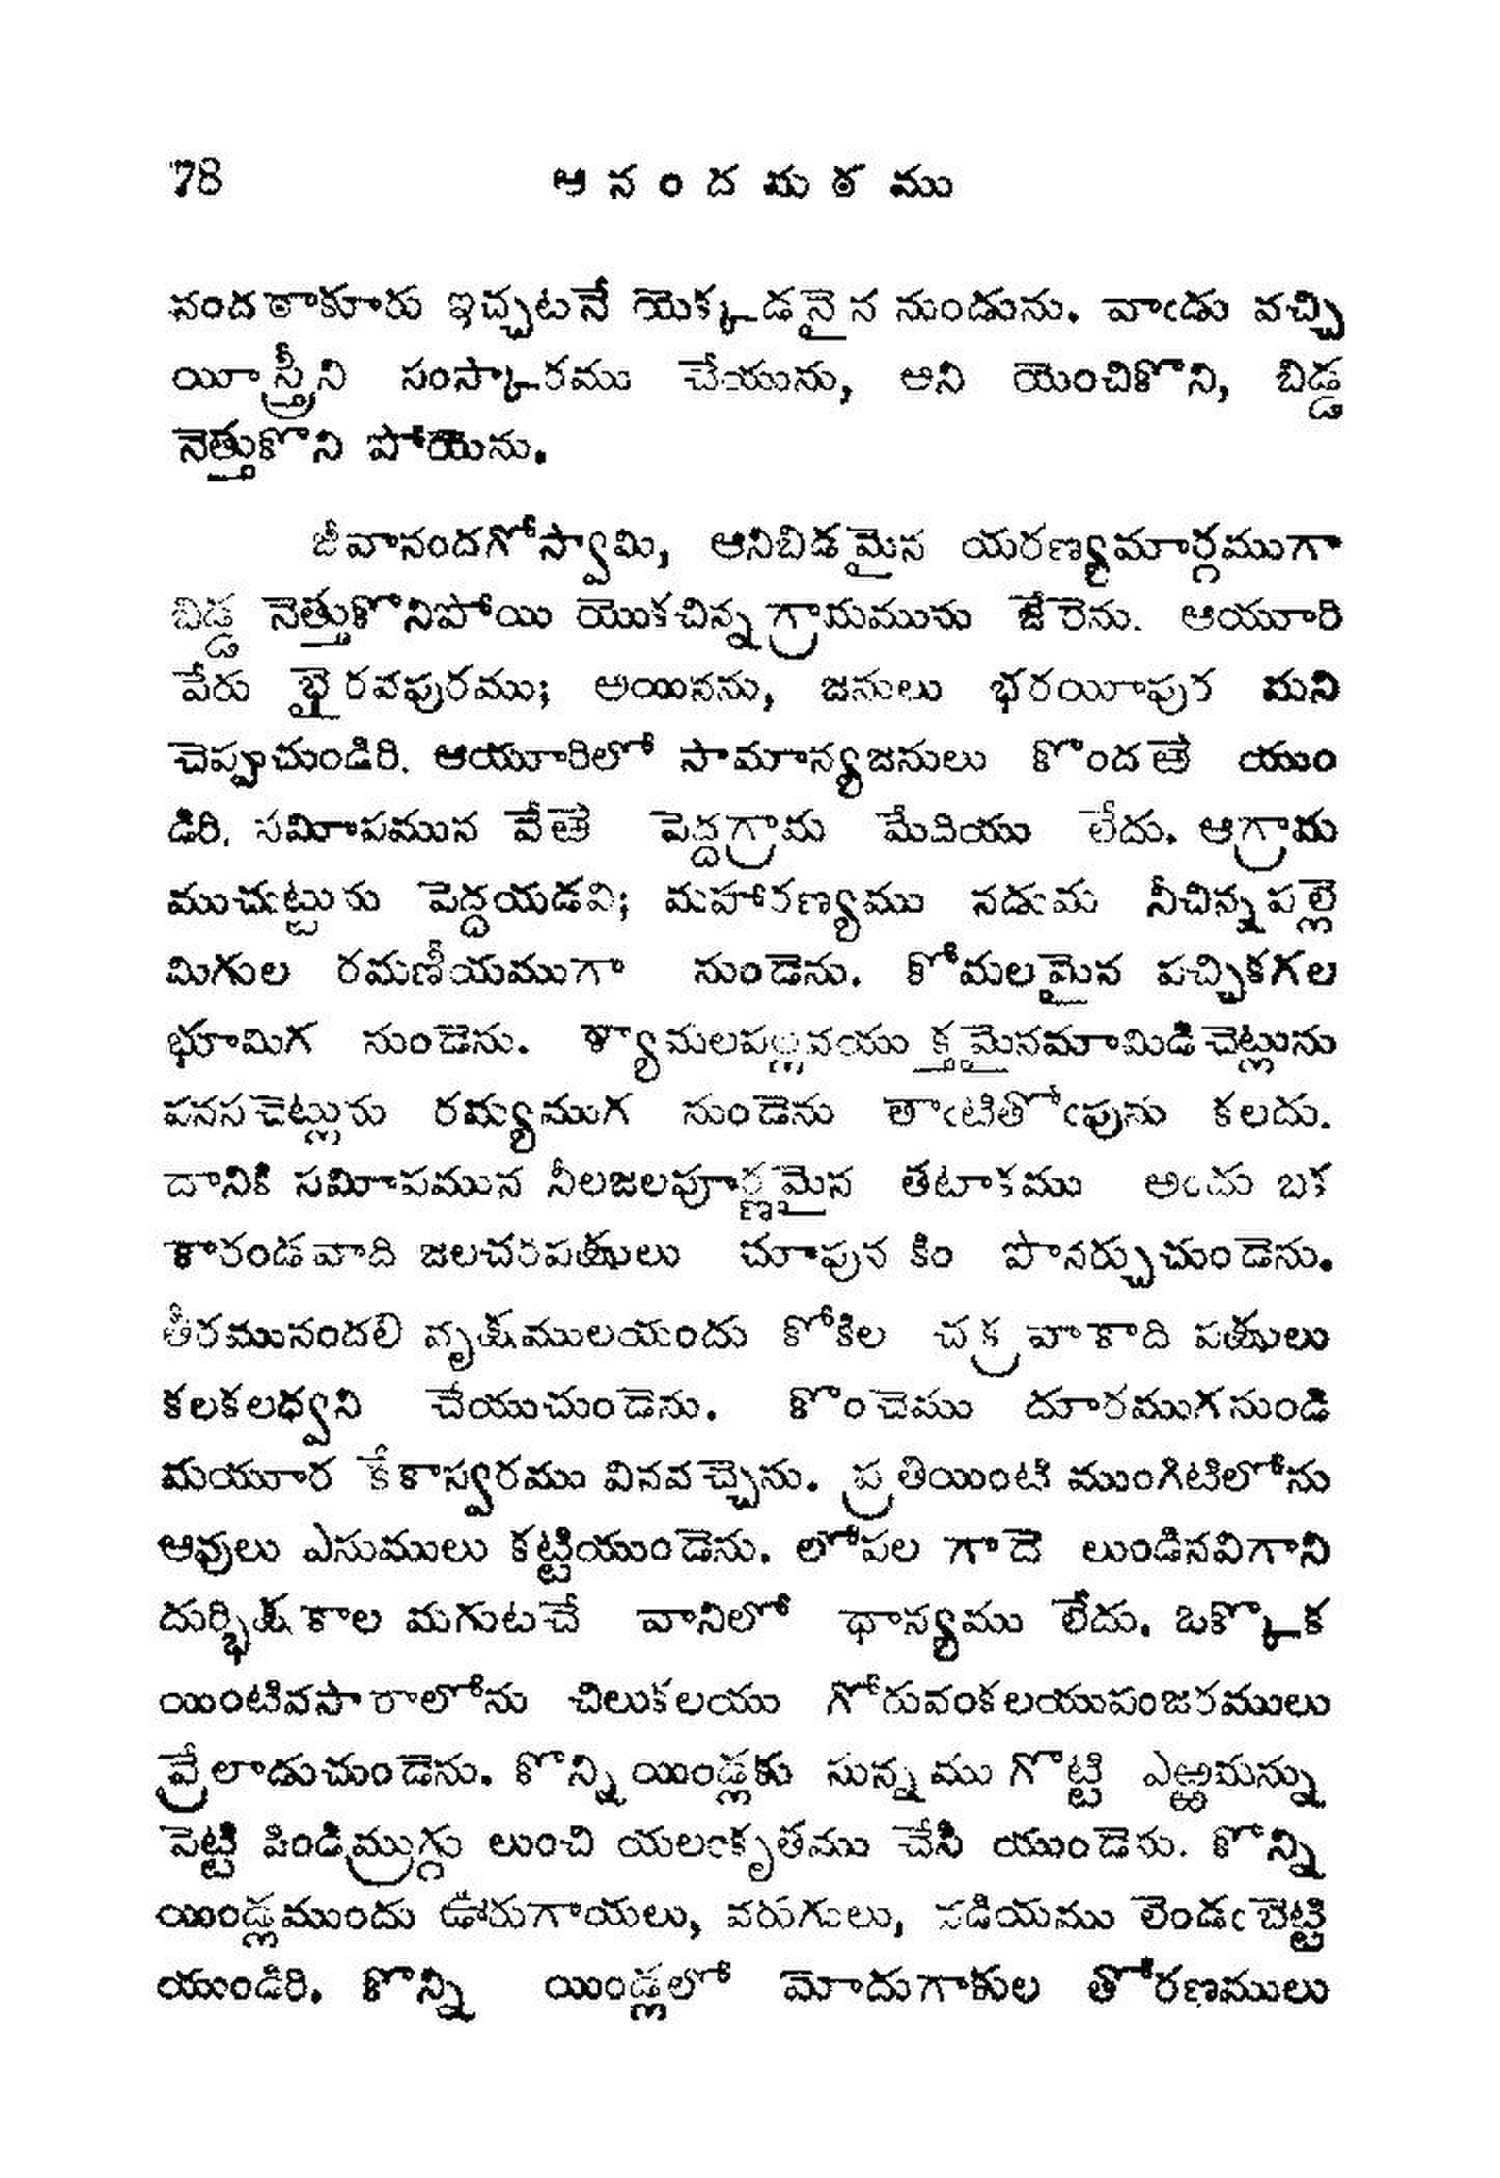సందఠాకూరు ఇచ్చటనే యెక్కడనైన నుండును. వాఁడు వచ్చి యీస్త్రీని సంస్కారము చేయును, అని యెంచికొని, బిడ్డ
నెత్తుకొని పోయెను.

జీవానందగోస్వామి, ఆనిబిడమైన యరణ్యమార్గముగా బిడ్డ నెత్తుకొనిపోయి యొక చిన్న గ్రామమును జేరెను. ఆయూరి
పేరు భైరవపురము; అయినను, జనులు భరయీపుర మని చెప్పుచుండిరి, ఆయూరిలో సామాన్య జనులు కొందఱే యుం
డిరి. సమీపమున వేఱె పెద్ద గ్రామ మేదియు లేదు. ఆగ్రామము చుట్టును పెద్దయడవి; మహారణ్యము నడుమ నీచిన్న పల్లె
మిగుల రమణీయముగా నుండెను. కోమలమైన పచ్చికగల భూమిగ నుండెను. శ్యామల పల్లవయుక్తమైన మామిడి చెట్లును
పనస చెట్లును రమ్యముగ నుండెను తాఁటితోఁపును కలదు. దానికి సమీపమున నీలజలపూర్ణమైన తటాకము అందు బక
కారండవాది జలచరపక్షులు చూపున కిం పొనర్చుచుండెను. తీరమునందలి వ్రుక్షములయందు కోకిల చక్రవాకాది పక్షులు
కలకలధ్వని చేయుచుండెను. కొంచెము దూరముగనుండి మయూర కేకాస్వరము వినవచ్చెను. ప్రతియింటి ముంగిటిలోను
ఆవులు ఎసుములు కట్టియుండెను. లోపల గాదె లుండినవిగాని దుర్భిక్ష కాల మగుటచే వానిలో ధాన్యము లేదు, ఒక్కొక యింటివసారాలోను చిలుకలయు గోరువంకలయుపంజరములు వ్రేలాడుచుండెను, కొన్ని యిండ్లకు సున్నము గొట్టి ఎఱ్ఱమన్ను
పెట్టి పిండి ముగ్గు లుంచి యలంకృతము చేసి యుండెను. కొన్ని యిండ్లముందు ఊరుగాయలు, వరుగులు, వడియము లెండఁ బెట్టి యుండిరి. కొన్ని యిండ్లలో మోదుగాకుల తోరణములు